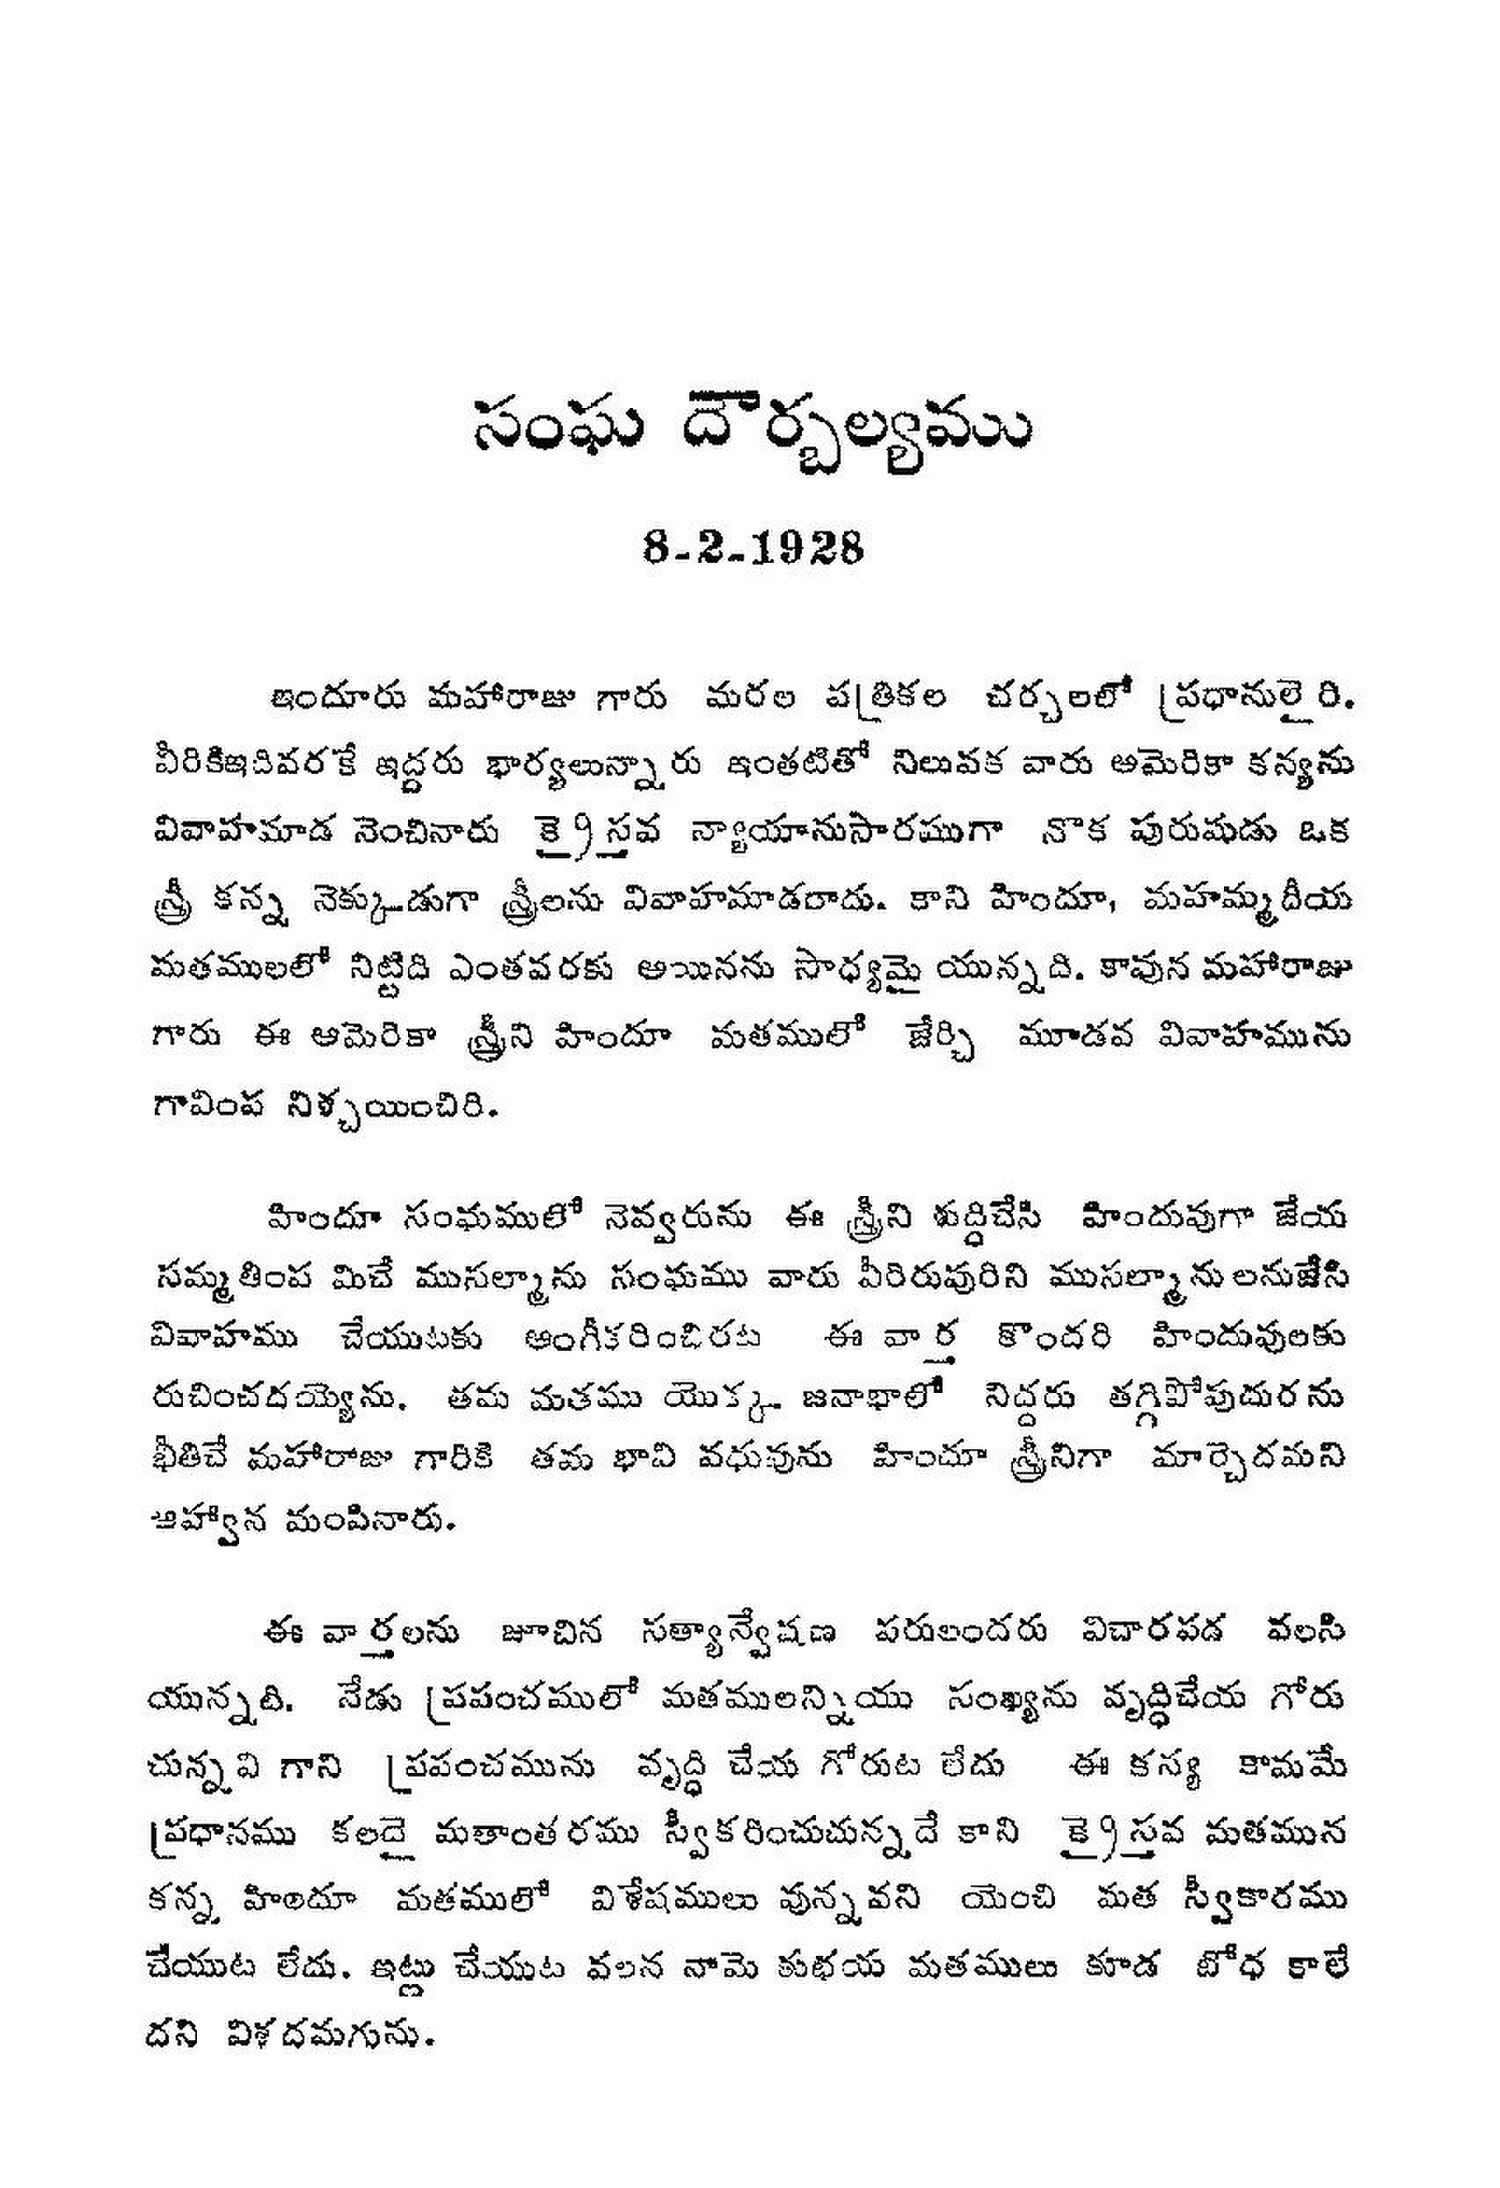సంఘ దౌర్బల్యము

8 - 2 - 1928

ఇందూరు మహారాజు గారు మరల పత్రికల చర్చలలో ప్రధానులైరి. వీరికిఇదివరకే ఇద్దరు భార్యలున్నారు ఇంతటితో నిలువక వారు అమెరికా కన్యను వివాహమాడ నెంచినారు క్రైస్తవ న్యాయానుసారముగా నొక పురుషుడు ఒక స్త్రీ కన్న నెక్కుడుగా స్త్రీలను వివాహమాడరాదు. కాని హిందూ, మహమ్మదీయ మతములలో నిట్టిది ఎంతవరకు అయినను సాధ్యమై యున్నది. కావున మహారాజు గారు ఈ అమెరికా స్త్రీని హిందూ మతములో జేర్చి మూడవ వివాహమును
గావింప నిశ్చయించిరి.

హిందూ సంఘములో నెవ్వరును ఈ స్త్రీని శుద్ధిచేసి హిందువుగా జేయ సమ్మతింప మిచే ముసల్మాను సంఘము వారు వీరిరువురిని ముసల్మానులనుజేసి వివాహము చేయుటకు అంగీకరించిరట ఈ వార్త కొందరి హిందువులకు
రుచించదయ్యెను. తమ మతము యొక్క జనాభాలో నిద్దరు తగ్గిపోవుదురను భీతిచే మహారాజు గారికి తమ భావి వధువును హిందూ స్త్రీనిగా మార్చెదమని ఆహ్వాన మంపినారు.

ఈ వార్తలను జూచిన సత్యాన్వేషణ పరులందరు విచారపడ వలసియున్నది. నేడు ప్రపంచములో మతములన్నియు సంఖ్యను వృద్ధిచేయ గోరుచున్నవి గాని ప్రపంచమును వృద్ధి చేయ గోరుట లేదు ఈ కన్య కామమే ప్రధానము కలదై మతాంతరము స్వీకరించుచున్నదే కాని క్రైస్తవ మతమున కన్న హిందూ మతములో విశేషములు వున్నవని యెంచి మత స్వీకారము చేయుట లేదు. ఇట్లు చేయుట వలన నామె కుభయ మతములు కూడ బోధ కాలేదని విశదమగును.